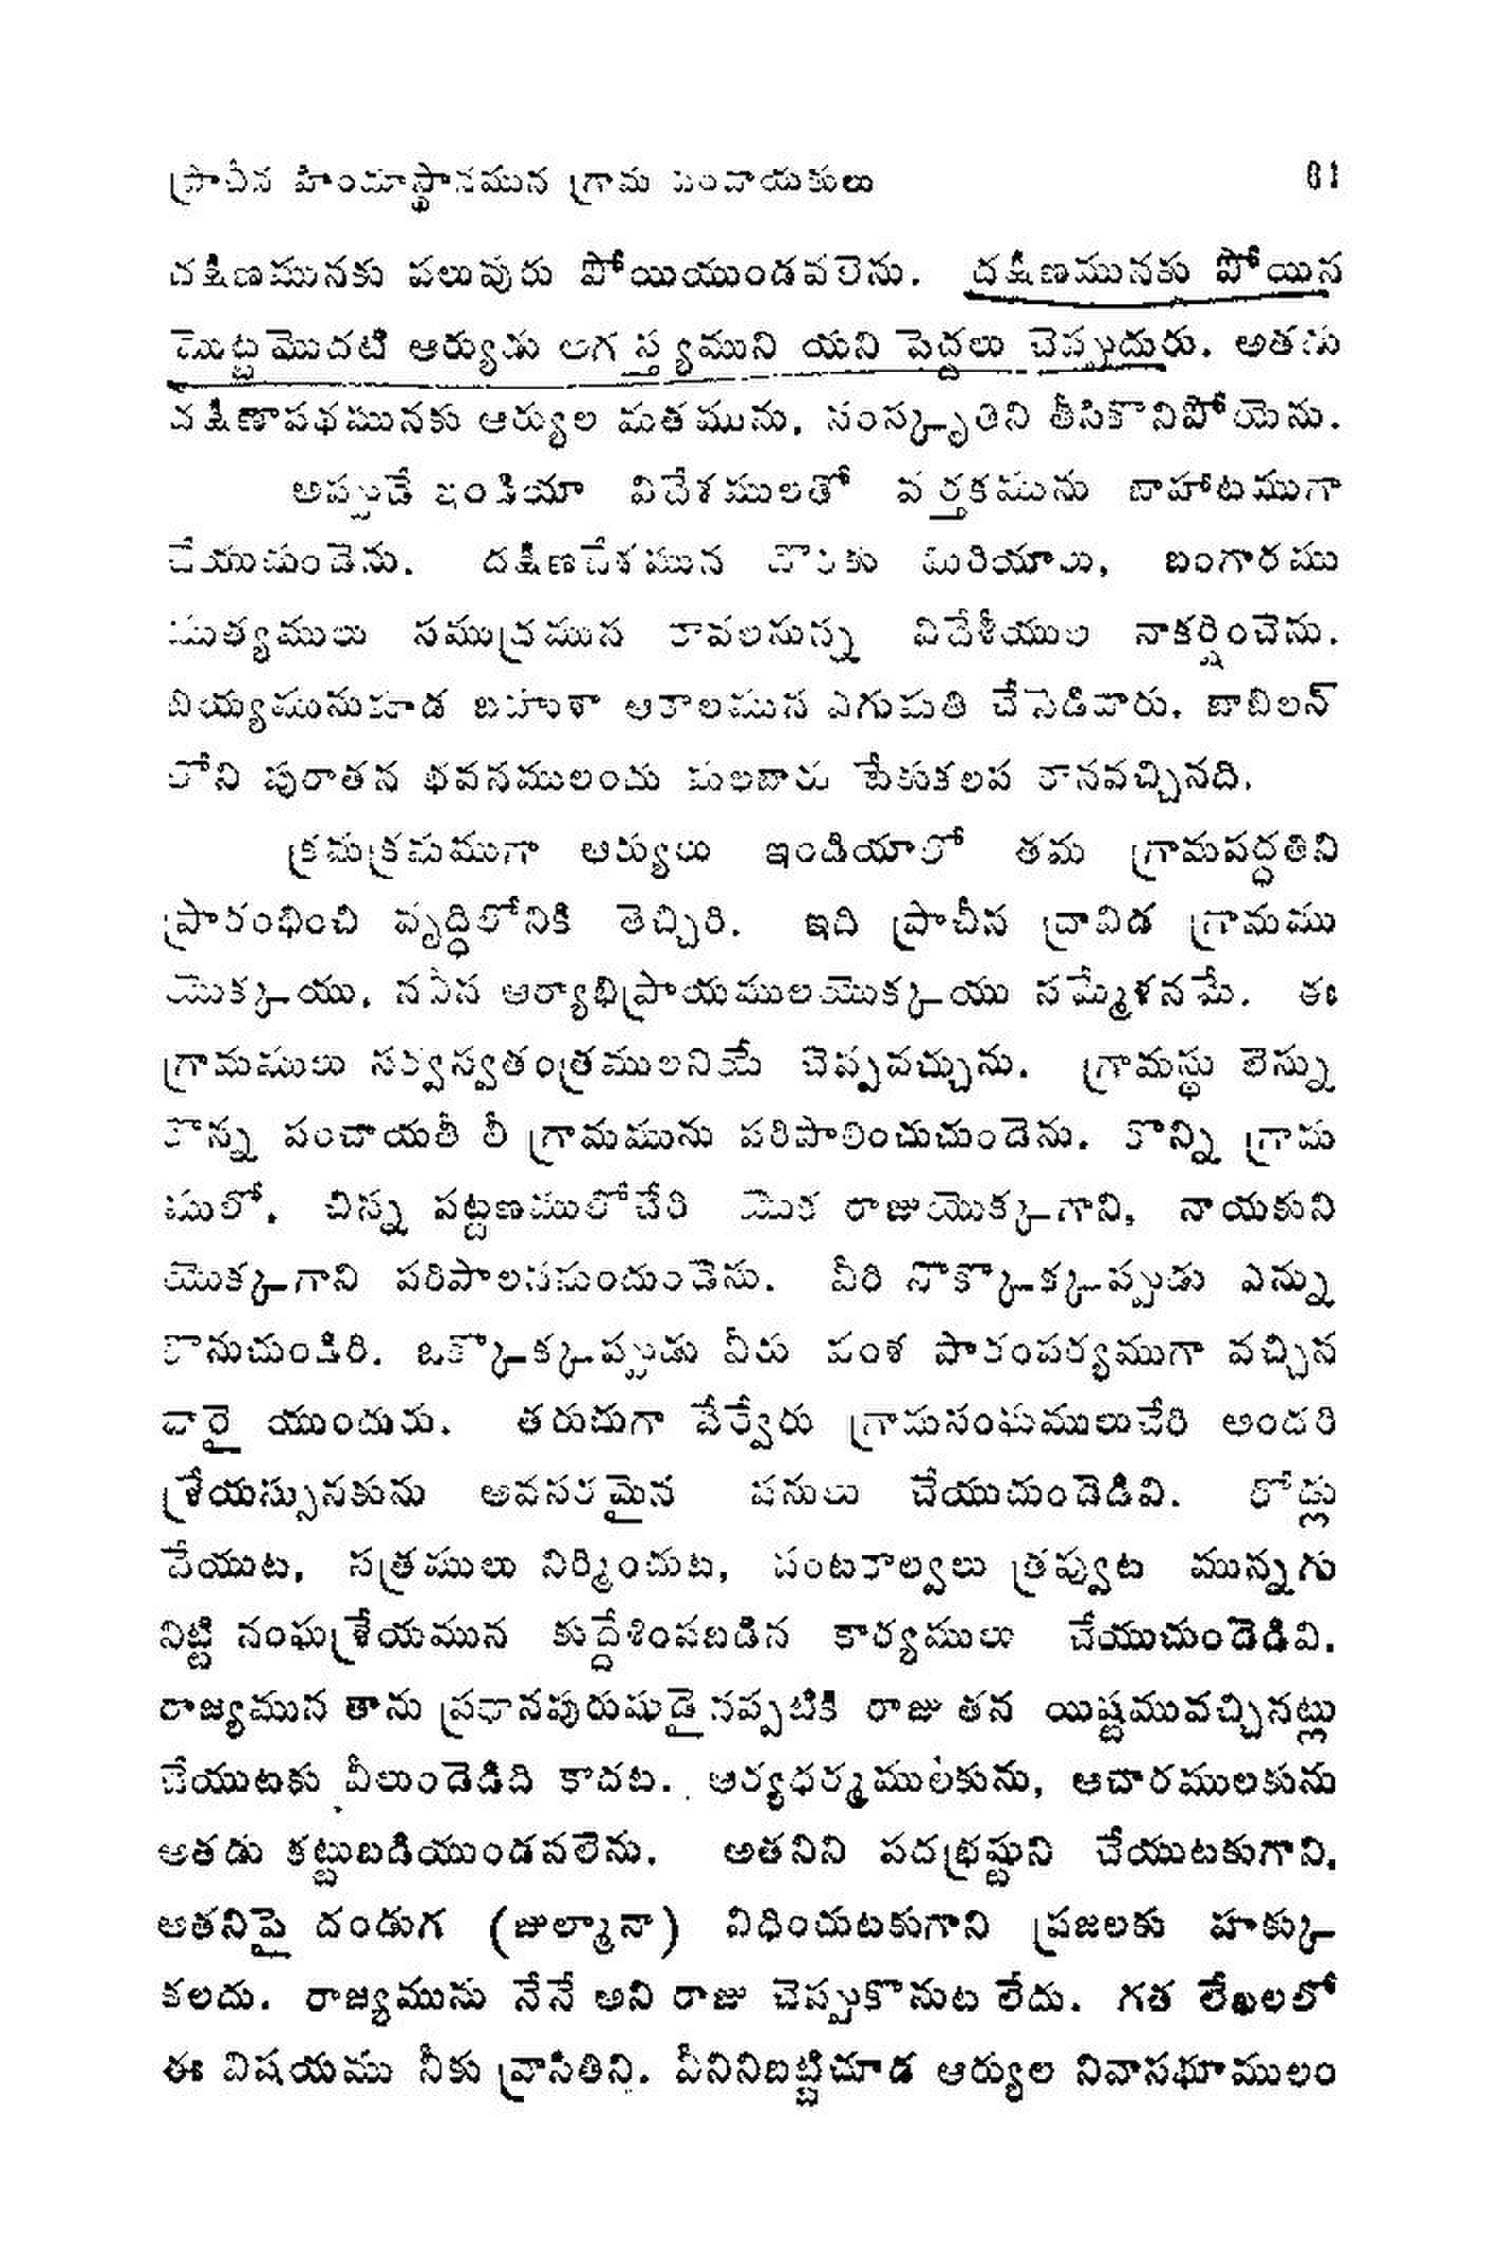దక్షిణమునకు పలువురు పోయియుండవలెను. దక్షిణమునకు పోయిన మొట్ట మొదటి ఆర్యుడు అగస్త్యముని యని పెద్దలు చెప్పుదురు. అతను దక్షిణాపథమునకు ఆర్యుల మతమును, సంస్కృతిని తీసికొనిపోయెను.

అప్పుడే ఇండియూ విదేశములతో వర్తకమును బాహాటముగా చేయుచుండెను. దక్షిణదేశమున దొరకు మిరియాలు, బంగారము ముత్యములు సముద్రమున కావలసున్న విదేశీయుల నాకర్షించెను. బియ్యమునుకూడ బహుశా ఆకాలమున ఎగుమతి చేసెడివారు, బాబిలన్‌లోని పురాతన భవనములంచు మలబారు టేకుకలప కానవచ్చినది.

క్రమక్రమముగా ఆర్యులు ఇండియాలో తమ గ్రామపద్దతిని ప్రారంభించి వృద్ధిలోనికి తెచ్చిరి. ఇది ప్రాచీన ద్రావిడ గ్రామము యొక్కయు, నవీన ఆర్యాభిప్రాయములయొక్కయు సమ్మేళనమే. ఈ గ్రామములు సర్వస్వతంత్రములనియే చెప్పవచ్చును. గ్రామస్థు లెస్నుకొన్న పంచాయతీ లీ గ్రామమును పరిపాలించుచుండెను. కొన్ని గ్రామములో. చిన్న పట్టణములోచేరి యొక రాజుయొక్కగాని, నాయకుని యొక్కగాని పరిపాలనమందుండెను. వీరి నొక్కొక్కప్పుడు ఎన్నుకొనుచుండిరి. ఒక్కొక్కప్పుడు వీరు వంశ పారంపర్యముగా వచ్చిన వారై యుందురు. తరుచుగా వేర్వేరు గ్రామసంఘములుచేరి అందరి శ్రేయస్సునకును అవసరమైన పనులు చేయుచుండెడివి. రోడ్లు వేయుట, సత్రములు నిర్మించుట, పంటకాల్వలు త్రవ్వుట మున్నగు నిట్టి సంఘశ్రేయమున కుద్దేశింపబడిన కార్యములు చేయుచుండెడివి. రాజ్యమున తాను ప్రధానపురుషుడై నప్పటికి రాజు తన యిష్టమువచ్చినట్లు చేయుటకు వీలుండెడిది కాదట. , ఆర్యధర్మములకును, ఆచారములకును అతడు కట్టుబడియుండవలెను. అతనిని పదభ్రష్టుని చేయుటకుగాని, అతనిపై దండుగ (జుల్మానా) విధించుటకుగాని ప్రజలకు హక్కు కలదు. రాజ్యమును నేనే అని రాజు చెప్పుకొనుట లేదు. గత లేఖలలో ఈ విషయము నీకు వ్రాసితిని. వీనినిబట్టిచూడ ఆర్యుల నివాసభూములం